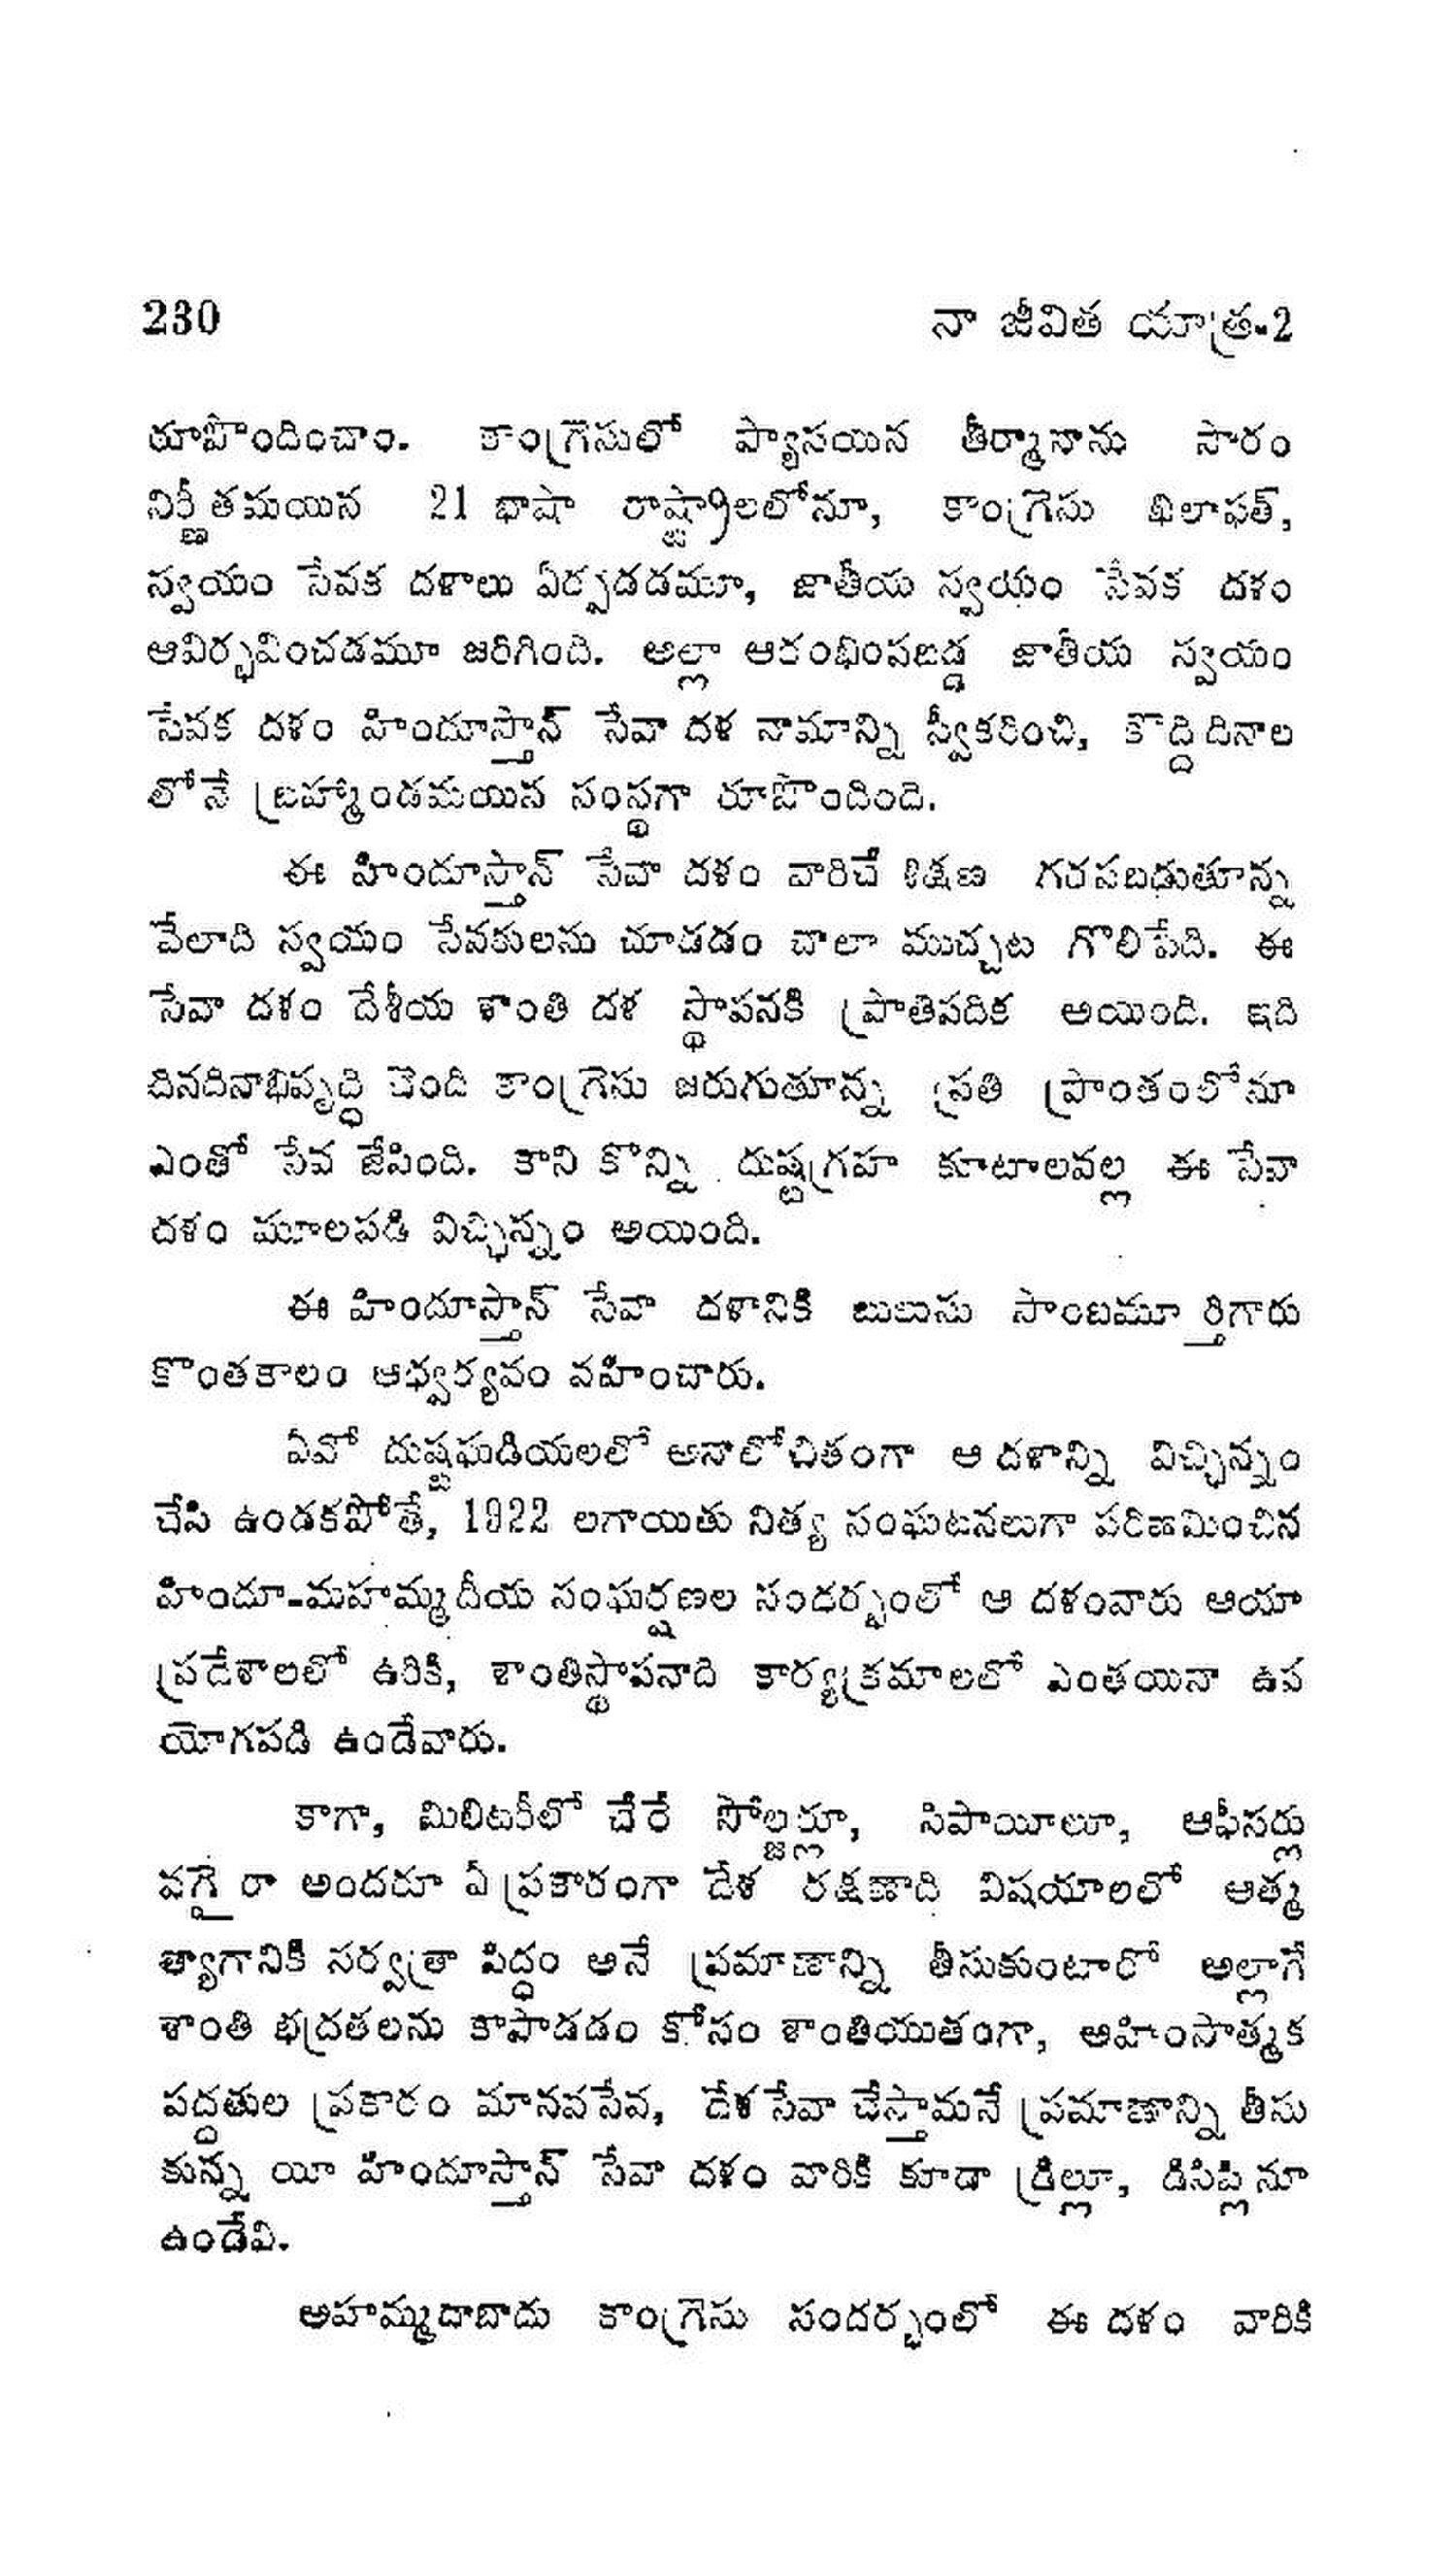రూపొందించాం. కాంగ్రెసులో ప్యాసయిన తీర్మానాను సారం నిర్ణీతమయిన 21 భాషా రాష్ట్రాలలోనూ, కాంగ్రెసు ఖిలాఫత్, స్వయం సేవక దళాలు ఏర్పడడమూ, జాతీయ స్వయం సేవక దళం ఆవిర్భవించడమూ జరిగింది. అల్లా ఆరంభింపబడ్డ జాతీయ స్వయం సేవక దళం హిందూస్తాన్ సేవా దళ నామాన్ని స్వీకరించి, కొద్ది దినాలలోనే బ్రహ్మాండమయిన సంస్థగా రూపొందింది.

ఈ హిందూస్తాన్ సేవా దళం వారిచే శిక్షణ గరపబడుతూన్న వేలాది స్వయం సేవకులను చూడడం చాలా ముచ్చట గొలిపేది. ఈ సేవా దళం దేశీయ శాంతి దళ స్థాపనకి ప్రాతిపదిక అయింది. ఇది దినదినాభివృద్ది చెంది కాంగ్రెసు జరుగుతూన్న ప్రతి ప్రాంతంలోనూ ఎంతో సేవ జేసింది. కాని కొన్ని దుష్టగ్రహ కూటాలవల్ల ఈ సేవా దళం మూలపడి విచ్చిన్నం అయింది.

ఈ హిందూస్తాన్ సేవా దళానికి బులుసు సాంబమూర్తిగారు కొంతకాలం ఆధ్వర్యవం వహించారు.

ఏవో దుష్టఘడియలలో అనాలోచితంగా ఆ దళాన్ని విచ్చిన్నం చేసి ఉండకపోతే, 1922 లగాయితు నిత్య సంఘటనలుగా పరిణమించిన హిందూ-మహమ్మదీయ సంఘర్షణల సందర్భంలో అ దళంవారు అయా ప్రదేశాలలో ఉరికి, శాంతిస్థాపనాది కార్యక్రమాలలో ఎంతయినా ఉపయోగపడి ఉండేవారు.

కాగా, మిలిటరీలో చేరే సోల్జర్లూ, సిపాయీలూ, ఆఫీసర్లు వగైరా అందరూ ఏ ప్రకారంగా దేశ రక్షణాది విషయాలలో ఆత్మత్యాగానికి సర్వత్రా సిద్దం అనే ప్రమాణాన్ని తీసుకుంటారో అల్లాగే శాంతి భద్రతలను కాపాడడం కోసం శాంతియుతంగా, అహింసాత్మక పద్దతుల ప్రకారం మానవసేవ, దేశసేవా చేస్తామనే ప్రమాణాన్ని తీసుకున్న యీ హిందూస్తాన్ సేవా దళం వారికి కూడా డ్రిల్లూ, డిసిప్లినూ ఉండేవి.

అహమ్మదాబాదు కాంగ్రెసు సందర్భంలో ఈ దళం వారికి